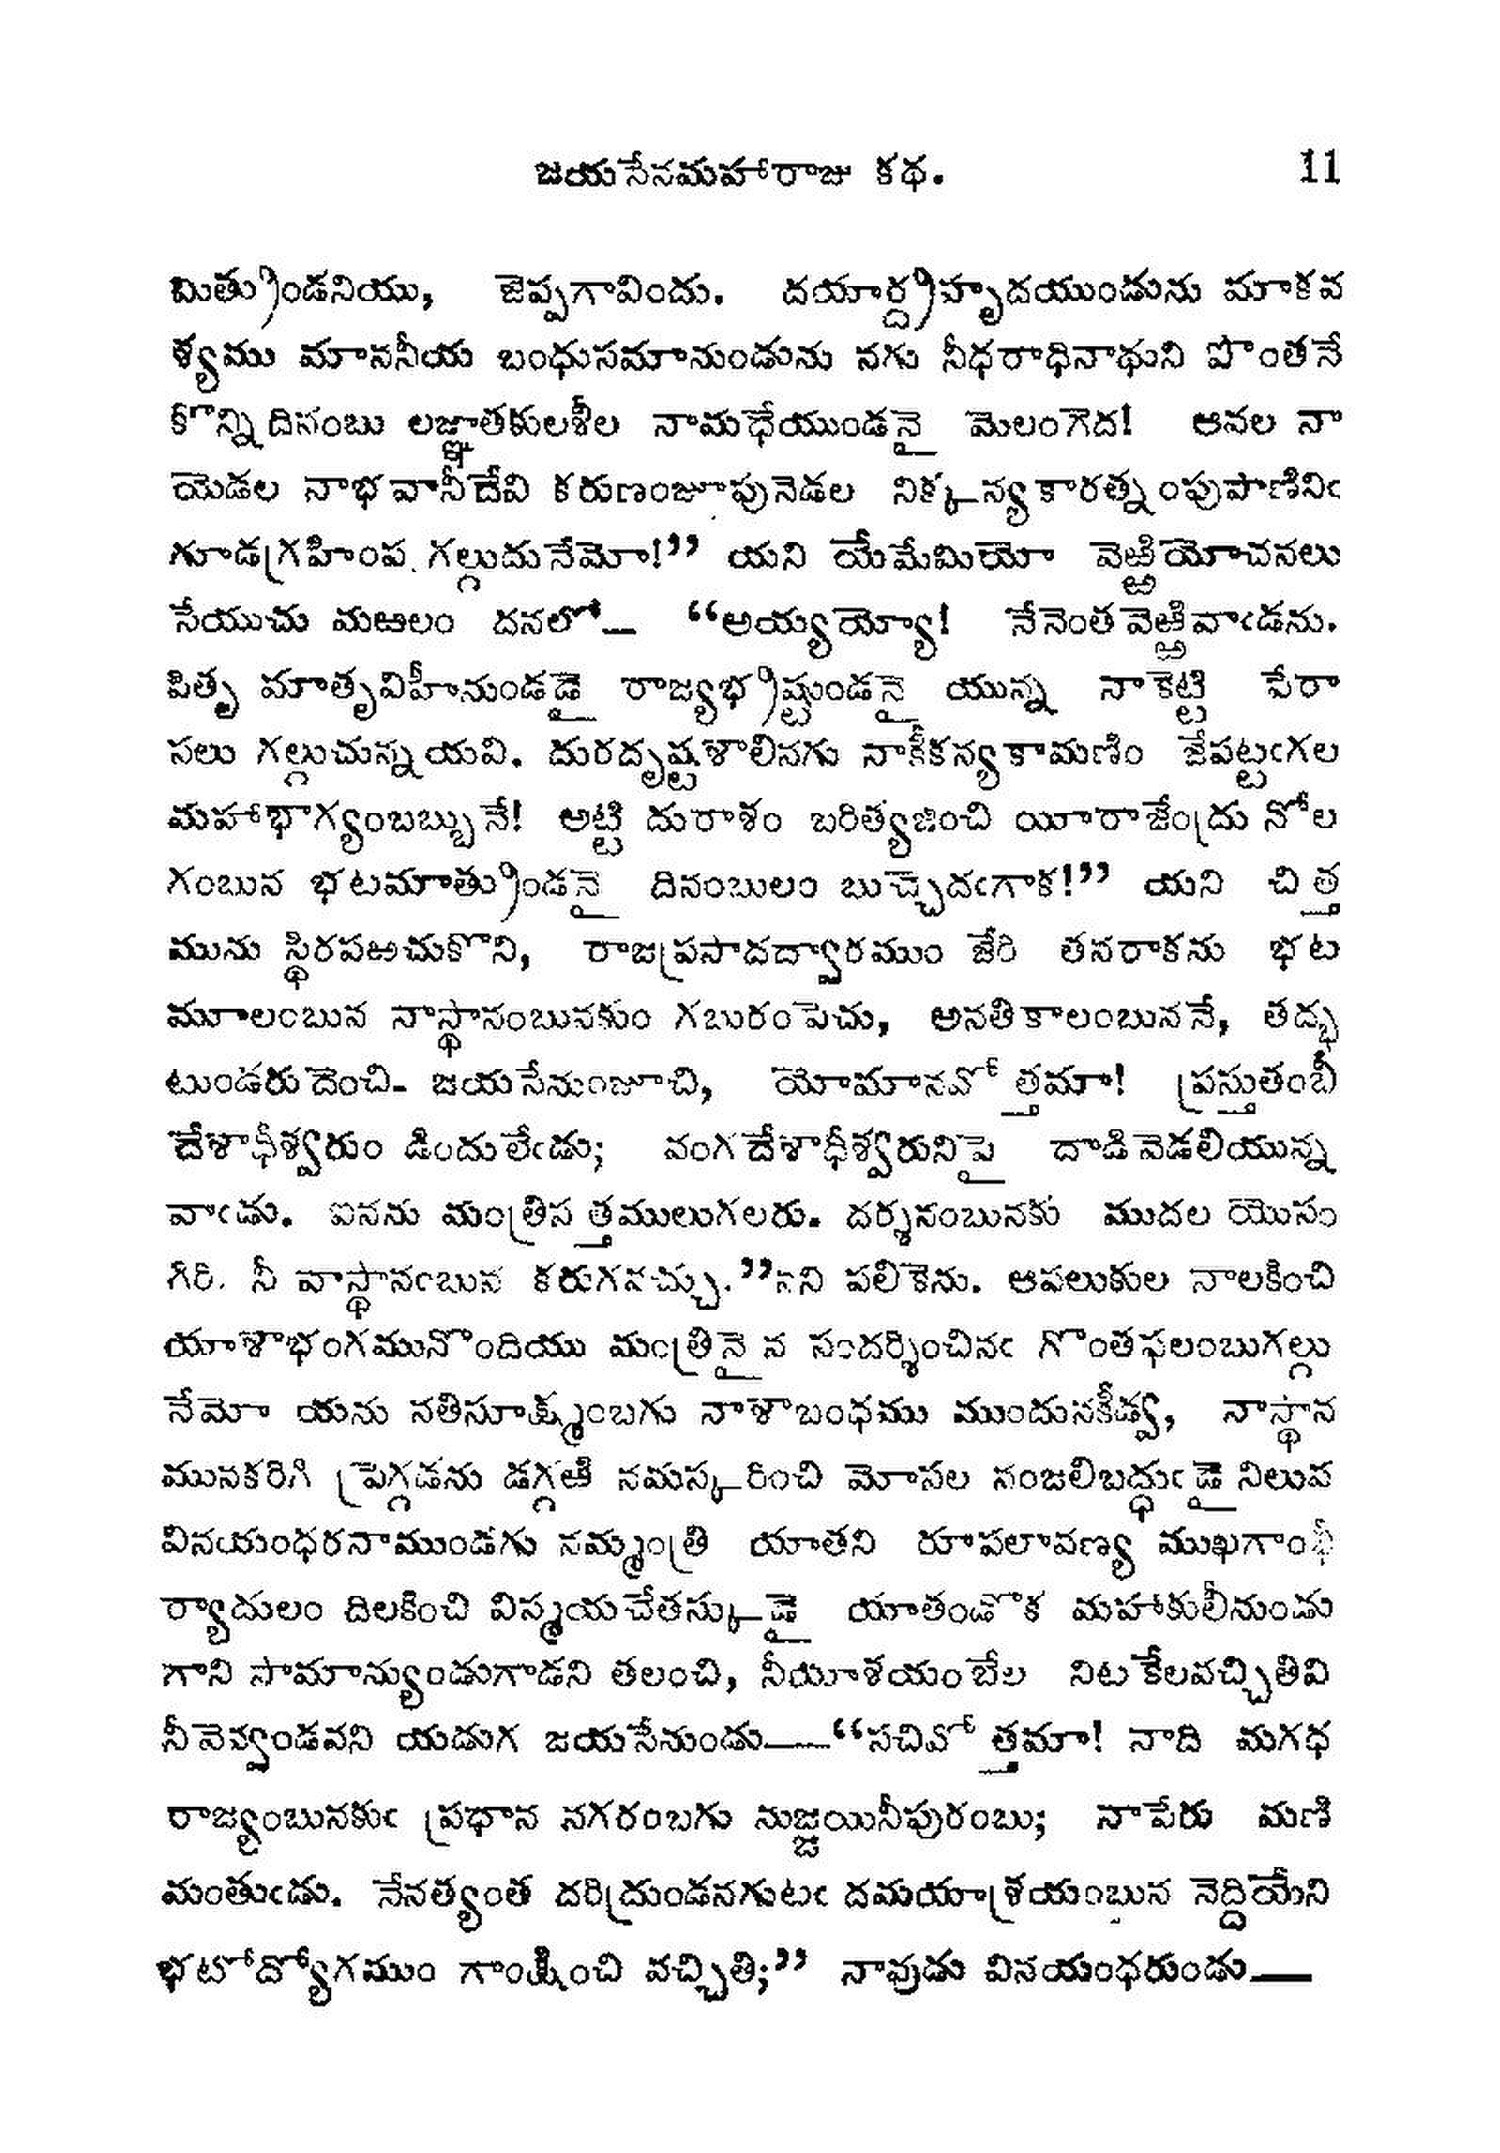మిత్రుండనియు, జెప్పగా విందు. దయార్ద్రహృదయుండును మాకవశ్యము మాననీయ బంధుసమానుండును నగు నీధరాధినాథుని పొంతనే
కొన్ని దినంబు లజ్ఞాతకులశీల నామధేయుండనై 'మెలంగెద! ఆవల నా యెడల నాభవానీ దేవి కరుణంజూపు నెడల నిక్కన్య కారత్నంపుపాణినిఁ గూడ గ్రహింప గల్గుదు నేమో!" యని యేమేమియో వెఱ్ఱి యోచనలు సేయుచు మఱలం దనలో—— “అయ్యయ్యో! నేనెంత వెఱ్ఱివాఁడను. పితృ మాతృవిహీనుండడై 'రాజ్యభ్రష్టుండనై యున్న నా కెట్టి పేరాసలు గల్గుచున్నయవి. దురదృష్టశాలినగు నాకీకన్యకామణిం జేపట్టఁగల మహా భాగ్యంబబ్బునే! అట్టి దురాశం బరిత్యజించి యీరాజేంద్రు నోలగంబున భటమాత్రుండనై దినంబులం బుచ్చెదఁగాక!" యని చిత్తమును స్థిరపఱచుకొని, రాజప్రసాదద్వారముం జేరి తనరాకను భట మూలంబున నాస్థానంబునకుం గబురంపెచు, అనతి కాలంబుననే, తద్భటుండరు దెంచి. జయసేనుం జూచి, యోమానవోత్తమా! ప్రస్తుతం బీ దేశాధీశ్వరుం డిందు లేఁడు; వంగ దేశాధీశ్వరునిపై దాడి వెడలియున్న వాఁడు. ఐనను మంత్రిసత్తములుగలరు. దర్శనంబునకు ముదల యొసంగిరి. నీవాస్థానఁబున కరుగవచ్చు. " నని పలికెను. ఆపలుకుల నాలకించి యాశాభంగమునొందియు మంత్రినైన సందర్శించినఁ గొంతఫలంబుగల్గు నేమో యను నతిసూక్ష్మంబగు నాశాబంధము ముందునకీడ్వ, నాస్థానమునకరిగి ప్రెగ్గడను డగ్గఱి నమస్కరించి మోసల నంజలిబద్ధుఁడై నిలువ
వినయంధరనాముండగు నమ్మంత్రి యాతని రూపలావణ్య ముఖగాంభీర్యాదులం దిలకించి విస్మయ చేతస్కుడై యాతండొక మహాకులీనుండు
గాని సామాన్యుండుగాడని తలంచి, నీయాశయం బేల నిటకేలవచ్చితివి నీ నెవ్వండవని యడుగ జయసేనుండు——"సచివోత్తమా! నాది మగధ
రాజ్యంబునకుఁ ప్రధాన నగరంబగు నుజ్జయినీ పురంబు; నా పేరు మణిమంతుఁడు. నేనత్యంత దరిద్రుండనగుటఁ దమయాశ్రయంబున నెద్దియేని భటోద్యోగముం గాంక్షించి వచ్చితి: ” నావుడు వినయంధరుండు——